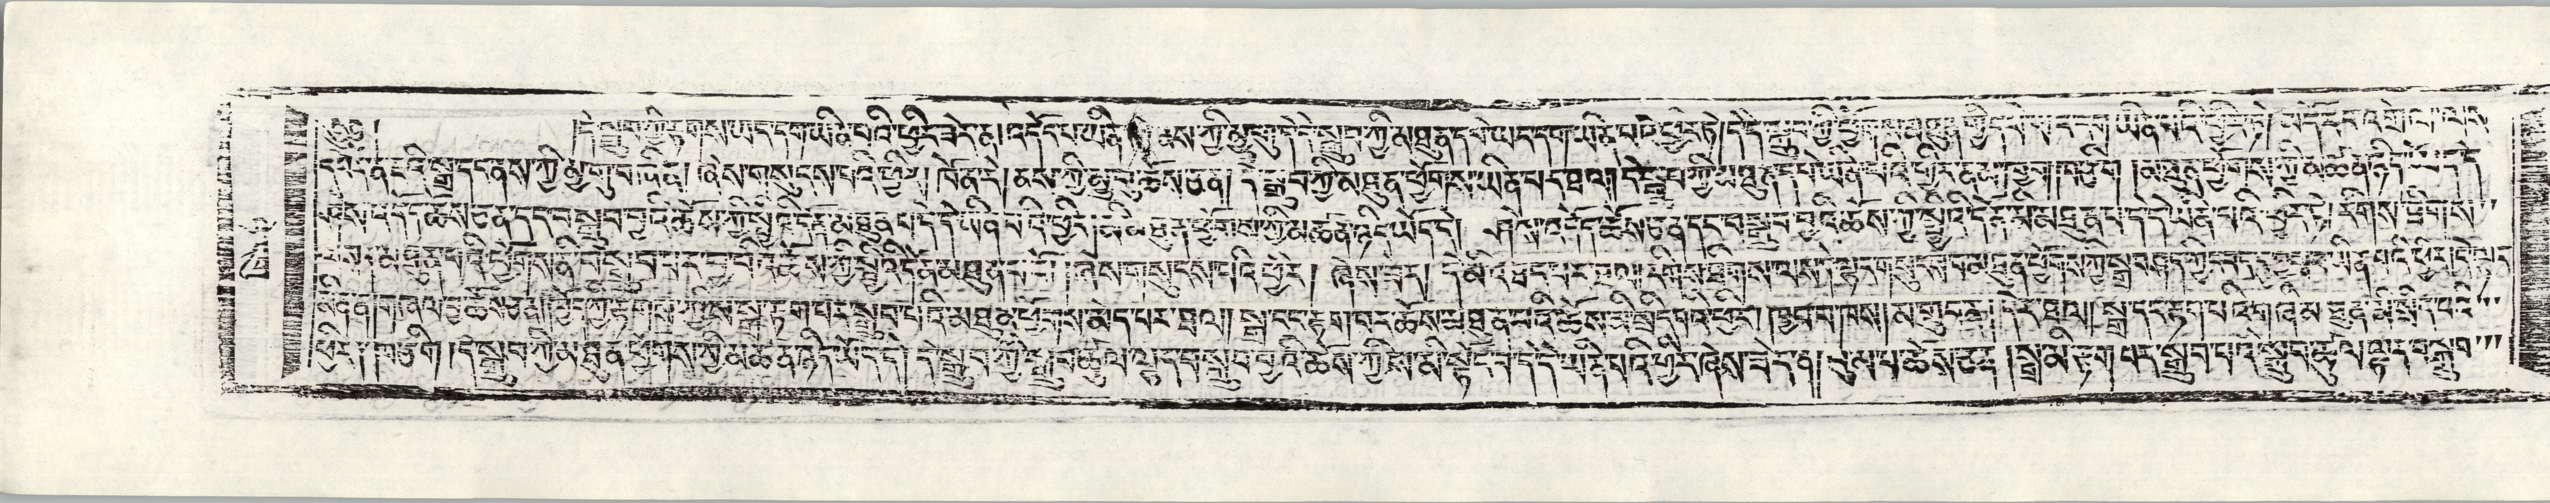༄༅། །དེ་སྒྲུབ་ཀྱི་རྟགས་ཡང་དག་ཡིན་པའི་ཕྱིར་ཟེར་ན་འདོད་པ་ཡིན་ཏེ། ནས་ཀྱི་མྱུ་གུ་དེ་དེ་སྒྲུབ་ཀྱི་མཐུན་དཔེ་ཡང་དག་ཡིན་པའི་ཕྱིར་ཏེ། དེ་དེ་སྒྲུབ་ཀྱི་ཕྱོགས་མཐུན་གྱི་དཔེ་ཡང་དག་ཡིན་པའི་ཕྱིར་ཏེ། མདོ་རང་འགྲེལ་ལས་
དཔེར་ན་རྔའི་སྒྲ་དང་ནས་ཀྱི་མྱུ་གུ་བཞིན། ཞེས་གསུངས་པའི་ཕྱིར། ཁོ་ན་རེ། ནས་ཀྱི་མྱུ་གུ་ཆོས་ཅན། དེ་སྒྲུབ་ཀྱི་མཐུན་ཕྱོགས་ཡིན་པར་ཐལ། དེ་སྒྲུབ་ཀྱི་མཐུན་དཔེ་ཡིན་པའི་ཕྱིར་ན་མ་ཁྱབ། ཁ་ཅིག །མཐུན་ཕྱོགས་ཀྱི་མཚན་ཉིད་ཡོད་དེ་
ཤེས་འདོད་ཆོས་ཅན་དང་བསྒྲུབ་བྱའི་ཆོས་ཀྱི་སྤྱིའི་དོན་མཐུན་པ་དེ་དེ་ཡིན་པའི་ཕྱིར། མི་མཐུན་ཕྱོགས་ཀྱི་མཚན་ཉིད་ཡོད་དེ། ཤེས་འདོད་ཆོས་ཅན་དང་བསྒྲུབ་བྱའི་ཆོས་ཀྱི་སྤྱིའི་དོན་མི་མཐུན་པ་དེ་དེ་ཡིན་པའི་ཕྱིར་ཏེ། རིགས་ཐིགས་
ལས། མཐུན་པའི་ཕྱོགས་ནི་བསྒྲུབ་པར་བྱ་བའི་ཆོས་ཀྱི་སྤྱིའི་དོན་མཐུན་པའོ། །ཞེས་གསུངས་པའི་ཕྱིར། ཞེས་ཟེར། དེ་མི་འཐད་པར་ཐལ། རིགས་ཐིགས་ལས་དེ་ལྟར་གསུངས་པ་མཐུན་ཕྱོགས་ཀྱི་སྒྲ་བཤད་ཀྱི་དབང་དུ་བྱས་པ་ཡིན་པའི་ཕྱིར། དེ་ལྟར་
མིན་ན་།གཞལ་བྱ་ཆོས་ཅན། ཁྱོད་ཀྱི་རྟགས་ཀྱིས་སྒྲ་རྟག་པར་སྒྲུབ་པའི་མཐུན་ཕྱོགས་མེད་པར་ཐལ། སྒྲ་དང་རྟག་པར་ཆོས་མཐུན་པའི་ཆོས་མི་སྲིད་པའི་ཕྱིར། ཁྱབ་པ་ཁས། མ་གྲུབ་ན། དེར་ཐལ། སྒྲ་དང་རྟག་པའི་གཞི་མཐུན་མི་སྲིད་པའི་
ཕྱིར། ཁ་ཅིག །དེ་སྒྲུབ་ཀྱི་མཐུན་ཕྱོགས་ཀྱི་མཚན་ཉིད་ཡོད་དེ། དེ་སྒྲུབ་ཀྱི་སྒྲུབ་ཚུལ་ལྟར་བསྒྲུབ་བྱའི་ཆོས་ཀྱིས་མི་སྟོང་བ་དེ་དེ་ཡིན་པའི་ཕྱིར་ཞེས་ཟེར་ན། བུམ་པ་ཆོས་ཅན། སྒྲ་མི་རྟག་པར་སྒྲུབ་པའི་སྒྲུབ་ཚུལ་ལྟར་བསྒྲུབ་